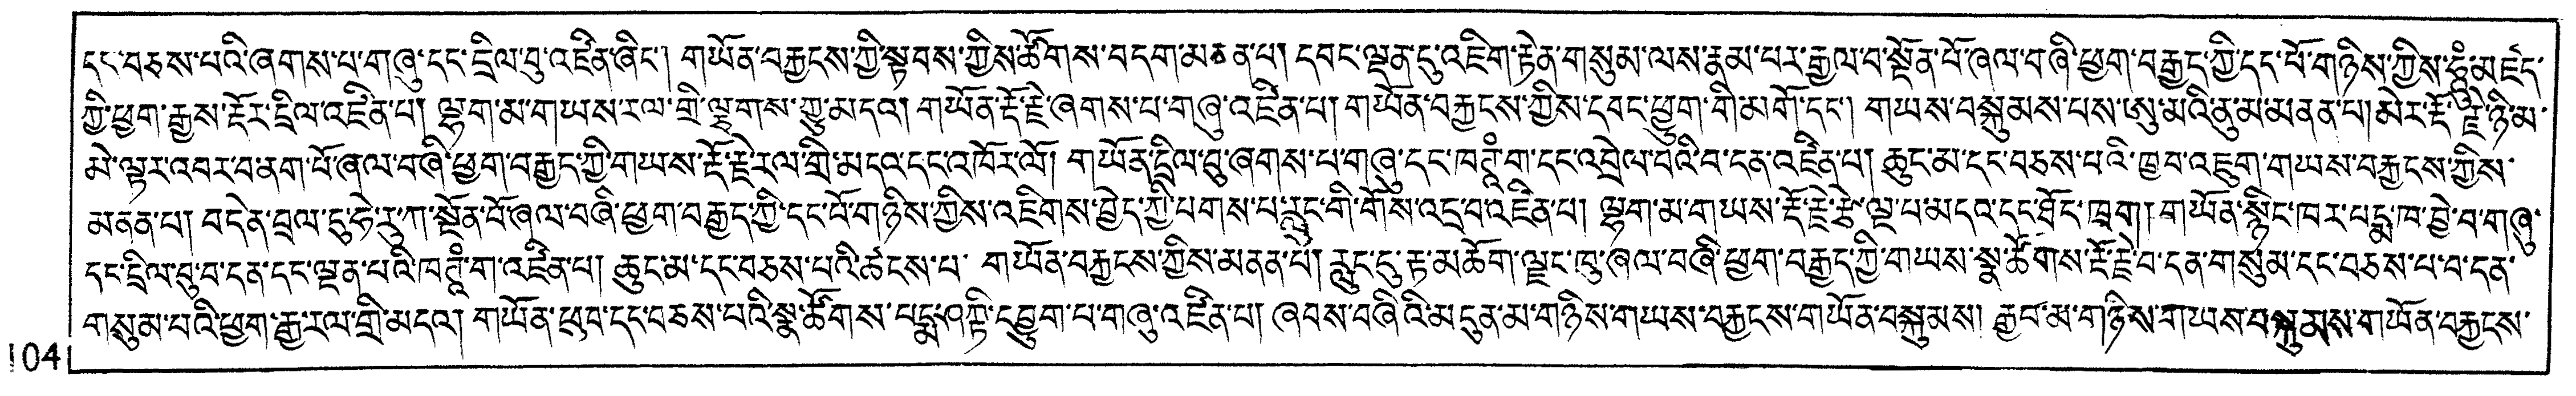དང་བཅས་པའི་ཞགས་པ་གཞུ་དང་དྲིལ་བུ་འཛིན་ཞིང་། གཡོན་བརྐྱངས་ཀྱི་སྟབས་ཀྱིས་ཚོགས་བདག་མནན་པ། དབང་ལྡན་དུ་འཇིག་རྟེན་གསུམ་ལས་རྣམ་པར་རྒྱལ་བ་སྔོན་པོ་ཞལ་བཞི་ཕྱག་བརྒྱད་ཀྱི་དང་པོ་གཉིས་ཀྱིས་ཧཱུཾ་མཛད་
ཀྱི་ཕྱག་རྒྱས་རྡོར་དྲིལ་འཛིན་པ། ལྷག་མ་གཡས་རལ་གྲི་ལྕགས་ཀྱུ་མདའ། གཡོན་རྡོ་རྗེ་ཞགས་པ་གཞུ་འཛིན་པ། གཡོན་བརྐྱངས་ཀྱིས་དབང་ཕྱུག་གི་མགོ་དང་། གཡས་བསྐུམས་པས་ཨུ་མའི་ནུ་མ་མནན་པ། མེར་རྡོ་རྗེ་ཉི་མ་
མེ་ལྟར་འབར་བ་ནག་པོ་ཞལ་བཞི་ཕྱག་བརྒྱད་ཀྱི་གཡས་རྡོ་རྗེ་རལ་གྲི་མདའ་དང་འཁོར་ལོ། གཡོན་དྲིལ་བུ་ཞགས་པ་གཞུ་དང་ཁཊཱཾ་ག་དང་འབྲེལ་བའི་བ་དན་འཛིན་པ། ཆུང་མ་དང་བཅས་པའི་ཁྱབ་འཇུག་གཡས་བརྐྱངས་ཀྱིས་
མནན་པ། བདེན་བྲལ་དུ་ཧེ་རུ་ཀ་སྔོན་པོ་ཞལ་བཞི་ཕྱག་བརྒྱད་ཀྱི་དང་པོ་གཉིས་ཀྱིས་འཇིགས་བྱེད་ཀྱི་པགས་པ་རླུང་གི་གོས་འདྲ་བ་འཛིན་པ། ལྷག་མ་གཡས་རྡོ་རྗེ་རྩེ་ལྔ་པ་མདའ་དང་ཐོང་ཁྲག །གཡོན་སྙིང་ཁར་པདམ་ཁ་བྱེ་བ་གཞུ་
དང་དྲིལ་བུ་བ་དན་དང་ལྡན་པའི་ཁཊཱཾ་ག་འཛིན་པ། ཆུང་མ་དང་བཅས་པའི་ཚངས་པ་གཡོན་བརྐྱངས་ཀྱིས་མནན་པ། རླུང་དུ་རྟ་མཆོག་ལྗང་ཁུ་ཞལ་བཞི་ཕྱག་བརྒྱད་ཀྱི་གཡས་སྣ་ཚོགས་རྡོ་རྗེ་བ་དན་གསུམ་དང་བཅས་པ་བ་དན་
གསུམ་པའི་ཕྱག་རྒྱ་རལ་གྲི་མདའ། གཡོན་ཕུབ་དང་བཅས་པའི་སྣ་ཚོགས་པདམ་ཤཀྟི་དབྱུག་པ་གཞུ་འཛིན་པ། ཞབས་བཞིའི་མདུན་མ་གཉིས་གཡས་བརྐྱངས་གཡོན་བསྐུམས། རྒྱབ་མ་གཉིས་གཡས་བསྐུམས་གཡོན་བརྐྱངས་